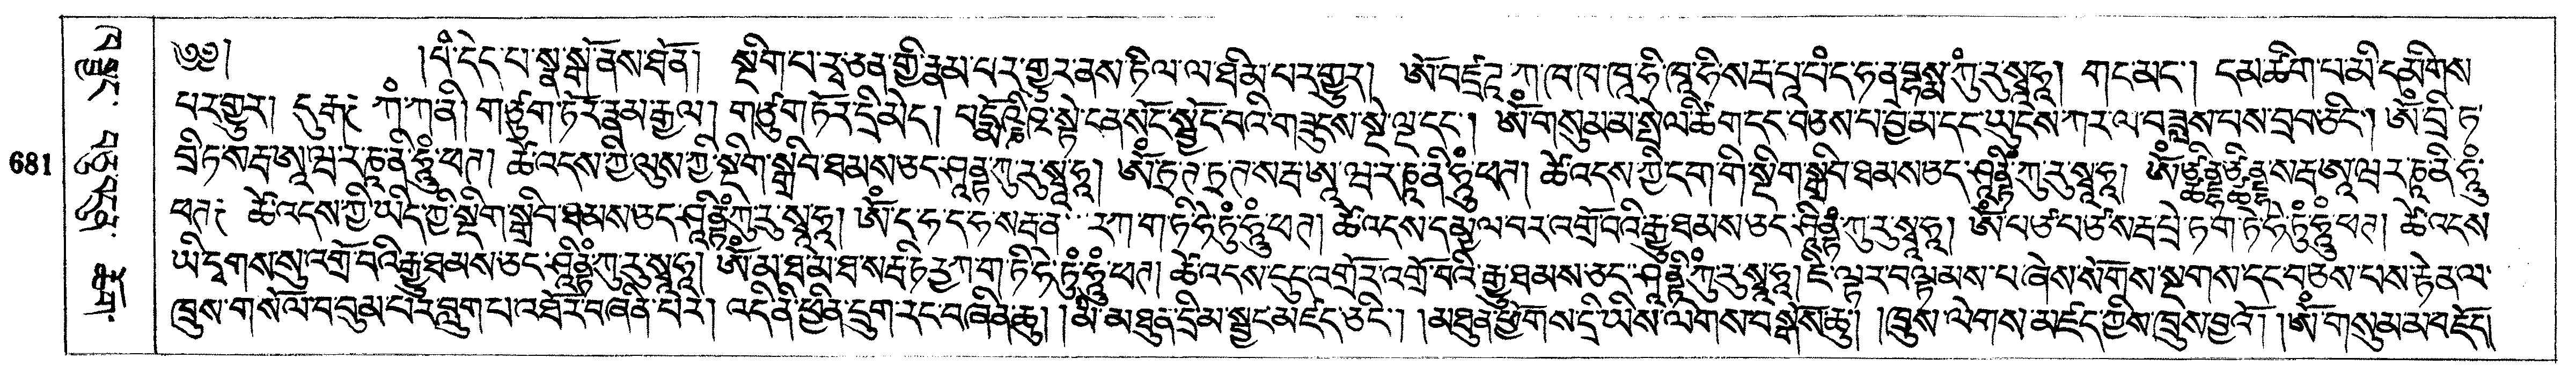༄༅། །པཾ་དེད་པ་སྣ་སྒོ་ནས་ཐོན། སྡིག་པ་རྭ་ཅན་གྱི་རྣམ་པར་གྱུར་ནས་ཏིལ་ལ་ཐིམ་པར་གྱུར། ཨོ་བཛྲཌཱ་ཀ་ཁ་ཁ་ཁཱ་ཧི་ཁཱ་ཧི་སརྦ་པཱ་པཾ་ད་ཧ་ན་བྷསྨ་ཀུཾ་རུ་སྭཱ་ཧཱ། གང་མང་། དམ་ཚིག་པ་མི་དམིགས་
པར་གྱུར། དུ་རྒ༑ ཀཾ་ཀ་ནི། གཙུག་ཏོར་རྣམ་རྒྱལ། གཙུག་གཏོར་དྲི་མེད། པདམོ་ཥིཎ་ཥ་སྟེ་ངན་སོང་སྦྱོང་བའི་གཟུངས་སྔེ་ལྔ་དང་། ཨོཾ་གསུམ་མ་སྤེལ་ཚིག་དང་བཅས་པ་བྱེ་མ་དང་ཡུངས་ཀར་ལ་བཟླས་པས་བྲབ་ཅིང་། ཨོཾ་བྲི་ཏ་
བྲི་ཏ་སརྦ་ཨཱ་ཝ་ར་ཎཱ་ནི་ཧཱུཾ་ཕཊ། ཚེ་འདས་ཀྱི་ལུས་ཀྱི་སྡིག་སྒྲིབ་ཐམས་ཅད་ཤཱནྟ་ཀུ་རུ་སྭཱ་ཧཱ། ཨོཾ་ཏྲ་ཊ་ཏྲ་ཊ་སརྦ་ཨཱ་ཝ་ར་ཎཱ་ནི་ཧཱུཾ་ཕཊ། ཚེ་འདས་ཀྱི་ངག་གི་སྡིག་སྒྲིབ་ཐམས་ཅད་ཤཱནྟིཾ་ཀུ་རུ་སྭཱ་ཧཱ། ཨོཾ་ཙྪནྡྷི་ཙྪནྡྷི་སརྦ་ཨཱ་ཝར་ཎཱ་ནི་ཧཱུཾ་
ཕཊ༑ ཚེ་འདས་ཀྱི་ཡིད་ཀྱི་སྡིག་སྒྲིབ་ཐམས་ཅད་ཤཱནྟིཾ་ཀུ་རུ་སྭཱ་ཧཱ། ཨོཾ་ད་ཧ་ད་ཧ་སརྦ་ན་རཀ་ག་ཏི་ཧེ་ཏུཾ་ཧཱུཾ་ཕཊ། ཚེ་འདས་དམྱལ་བར་འགྲོ་བའི་རྒྱུ་ཐམས་ཅད་ཤཱིནྟཾ་ཀུ་རུ་སྭཱ་ཧཱ། ཨོཾ་པ་ཙ་པ་ཙ་སརྦ་པྲེ་ཏ་ག་ཏེ་ཧེ་ཏུཾ་ཧཱུཾ་ཕཊ། ཚེ་འདས་
ཡི་དྭགས་སུ་འགྲོ་བའི་རྒྱུ་ཐམས་ཅད་ཤཱིནྟཾ་ཀུ་རུ་སྭཱ་ཧཱ། ཨོཾ་མ་ཐ་མ་ཐ་སརྦ་ཏི་རཡཀ་ག་ཏི་ཧེ་ཏུཾ་ཧཱུཾ་ཕཊ། ཚེ་འདས་དུད་འགྲོར་འགྲོ་བའི་རྒྱུ་ཐམས་ཅད་ཤཱིནྟ་ཀུཾ་རུ་སྭཱ་ཧཱ། ཇི་ལྟར་བལྟམས་པ་ཞེས་སོགས་སྔགས་དང་བཅས་པས་རྟེན་ལ་
ཁྲུས་གསོལ་བ་བུམ་པར་བླུག་པ་འཐོར་བཞིན་པར། འདི་ནི་ཕྱིན་དྲུག་རང་བཞིན་ཆུ། །མི་མཐུན་དྲི་མ་སྦྱང་མཛད་ཅིང་། །མཐུན་ཕྱོགས་དྲི་ཡིས་ལེགས་བསྒོས་ཆུ། །ཁྲུས་ལེགས་མཛད་ཀྱིས་ཁྲུས་བྱའོ། །ཨོཾ་གསུམ་མ་བྗོད།